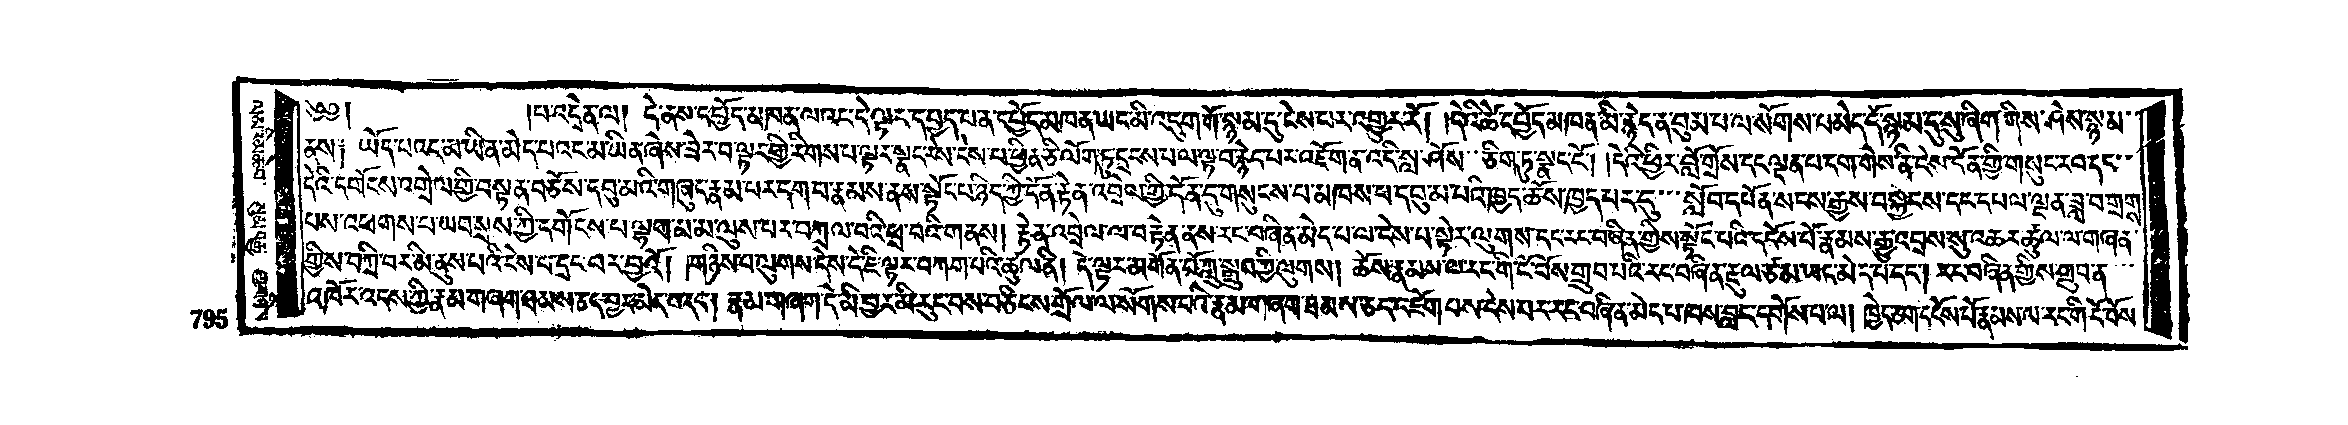༄༅། །པ་འདྲེན་ལ། དེ་ནས་དཔྱོད་མཁན་ལའང་དེ་ལྟར་དཔྱད་པ་ན་དཔྱོད་མཁན་ཡང་མི་འདུག་གོ་སྙམ་དུ་ངེས་པར་འགྱུར་རོ། །དེའི་ཚེ་དཔྱོད་མཁན་མི་རྙེད་ན་བུམ་པ་ལ་སོགས་པ་མེད་དོ་སྙམ་དུ་སུ་ཞིག་གིས་ཤེས་སྙམ་
ནས༑ ཡོད་པའང་མ་ཡིན་མེད་པའང་མ་ཡིན་ཞེས་ཟེར་བ་ལྟར་གྱི་རིགས་པ་ལྟར་སྣང་རེས་ངེས་པ་ཕྱིན་ཅི་ལོག་ཏུ་དྲངས་པ་ལ་ལྟ་བ་རྙེད་པར་འཇོག་ན་འདི་སླ་ཤོས་ཅིག་ཏུ་སྣང་ངོ། །དེའི་ཕྱིར་བློ་གྲོས་དང་ལྡན་པ་དག་གིས་ནི་ངེས་དོན་གྱི་གསུང་རབ་དང་
དེའི་དགོངས་འགྲེལ་གྱི་བསྟན་བཅོས་དབུ་མའི་གཞུང་རྣམ་པར་དག་པ་རྣམས་ནས་སྟོང་པ་ཉིད་ཀྱི་དོན་རྟེན་འབྲེལ་གྱི་དོན་དུ་གསུངས་པ་མཁས་པ་དབུ་མ་པའི་ཁྱད་ཆོས་ཁྱད་པར་དུ་སློབ་དཔོན་སངས་རྒྱས་བསྐྱངས་དང་དཔལ་ལྡན་ཟླ་བ་གྲགས་
པས་འཕགས་པ་ཡབ་སྲས་ཀྱི་དགོངས་པ་ལྷག་མ་མ་ལུས་པར་བཀྲལ་བའི་ཕྲ་བའི་གནས། རྟེན་འབྲེལ་ལ་བརྟེན་ནས་རང་བཞིན་མེད་པ་ལ་ངེས་པ་སྟེར་ལུགས་དང་རང་བཞིན་གྱིས་སྟོང་པའི་དངོས་པོ་རྣམས་རྒྱུ་འབྲས་སུ་འཆར་ཚུལ་ལ་གཞན་
གྱིས་བཀྲི་བར་མི་ནུས་པའི་ངེས་པ་དྲང་བར་བྱའོ། །གཉིས་པ་ལུགས་དེས་དེ་ཇི་ལྟར་བཀག་པའི་ཚུལ་ནི། དེ་ལྟར་མགོན་པོ་ཀླུ་སྒྲུབ་ཀྱི་ལུགས། ཆོས་རྣམས་ལ་རང་གི་ངོ་བོས་གྲུབ་པའི་རང་བཞིན་རྡུལ་ཙམ་ཡང་མེད་པ་དང་། རང་བཞིན་གྱིས་གྲུབ་ན་
འཁོར་འདས་ཀྱི་རྣམ་གཞག་ཐམས་ཅད་བྱར་མེད་པ་དང་། རྣམ་གཞག་དེ་མི་བྱར་མི་རུང་བས་བཅིངས་གྲོལ་ལ་སོགས་པའི་རྣམ་གཞག་ཐམས་ཅད་འཇོག་པས་ངེས་པར་རང་བཞིན་མེད་པ་ཁས་བླང་དགོས་པ་ལ། ཁྱེད་ཅག་དངོས་པོ་རྣམས་ལ་རང་གི་ངོ་བོས་